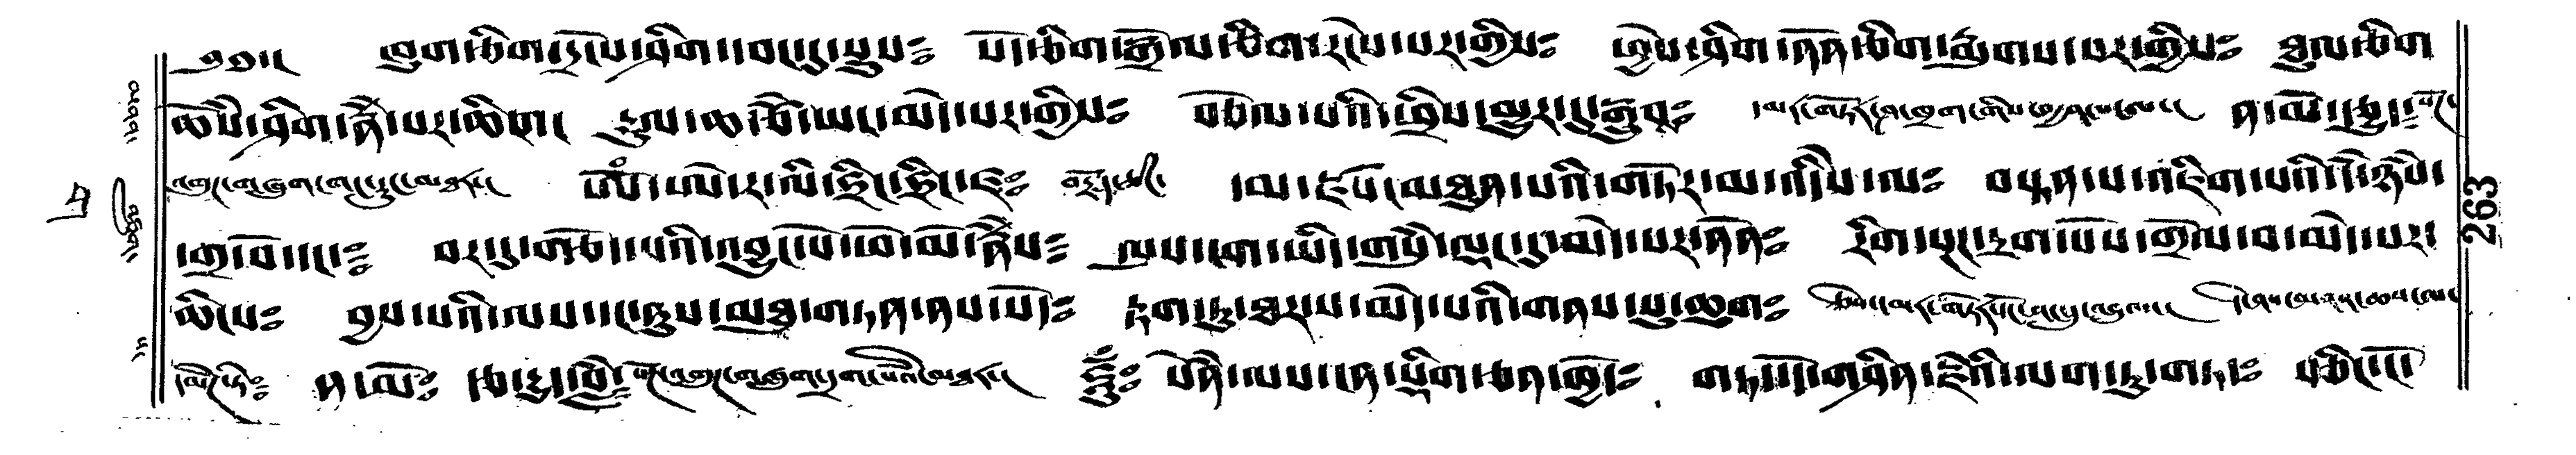༄༅། ཁུག་ཅིག་དྲོངས་ཤིག་དབང་དུ་སྡུསཿ སོད་ཅིག་སྒྲོལ་ཅིག་རེངས་པར་གྱིསཿ ཕྱེས་ཤིག་མནོན་ཅིག་རྨུགས་པར་གྱིསཿ ཐུལ་ཅིག་
ཆོམས་ཤིག་རྣམ་པར་ཆིངསཿ རྡུལ་ཆ་ཙམ་ཡང་མེད་པར་གྱིསཿ བཅོལ་པའི་ཕྲིན་ལས་མྱུར་དུ་སྒྲུབསཿ དམར་གཏོར་ཤ་ཁྲག་གིས་བརྒྱན་པ་ལ། ན་མོ་རྩ་རྒྱུད་སོགས་
འགུགས་གཞུག་གང་རུང་མཐར། ཨོཾ་ཨེ་ར་ལི་ཧྲིང་ཧྲིང་ཛཿ བརྗོད་ཅིང་། དམ་རྫས་མཐུན་པའི་གཏོར་མ་འདི་རྣམས་ལཿ བསྟན་པ་འཇིག་པའི་དམ་ཉམས་
དགྲ་བོ་དངཿ བར་དུ་གཅོད་པའི་འབྱུང་པོ་ཕོ་མོ་རྣམསཿ ལུས་ངག་ཡིད་གསུམ་ལྡང་དུ་མེད་པར་ནོནཿ རིག་སྔགས་དྲག་པོས་གྲོལ་བ་མེད་པར་
ཆིངསཿ བྱས་པའི་ལས་དང་ནུས་མཐུ་གཏན་ནས་སོདཿ རྟག་ཏུ་ཐར་པ་མེད་པའི་གནས་སུ་ཆུགསཿ ཅེས་དམར་གཏོར་དོང་ནང་དུ་འབུལ། དེ་ནས་མནན་ཆས་ལ་
དམིགས་ཏེ། ན་མོཿ རྩ་རྒྱུད་བླ་མ་སོགས་འགུགས་གཞུག་དྲག་པོའི་མཐར། ཧཱུྃཿ སེམས་ཅན་ལས་ངན་སྡིག་ཅན་ཁྱོདཿ གཏད་དོ་གཤིན་རྗེའི་ལག་ཏུ་གཏདཿ བཅིངས་སོ་